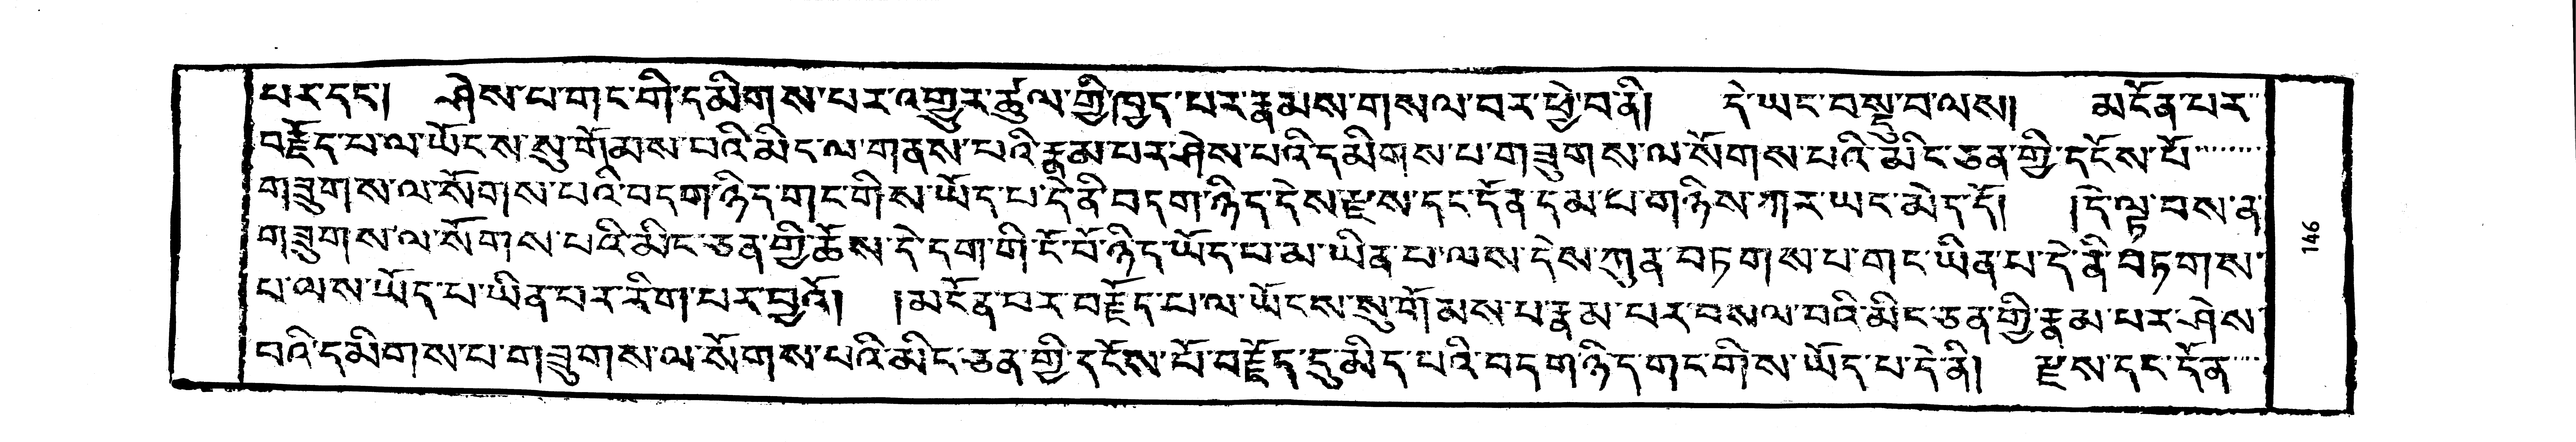པར་དང་། ཤེས་པ་གང་གི་དམིགས་པར་འགྱུར་ཚུལ་གྱི་ཁྱད་པར་རྣམས་གསལ་བར་ཕྱེ་བ་ནི། དེ་ཡང་བསྡུ་བ་ལས། མངོན་པར་
བརྗོད་པ་ལ་ཡོངས་སུ་གོམས་པའི་མིང་ལ་གནས་པའི་རྣམ་པར་ཤེས་པའི་དམིགས་པ་གཟུགས་ལ་སོགས་པའི་མིང་ཅན་གྱི་དངོས་པོ་
གཟུགས་ལ་སོགས་པའི་བདག་ཉིད་གང་གིས་ཡོད་པ་དེ་ནི་བདག་ཉིད་དེས་རྫས་དང་དོན་དམ་པ་གཉིས་ཀར་ཡང་མེད་དོ། །དེ་ལྟ་བས་ན་
གཟུགས་ལ་སོགས་པའི་མིང་ཅན་གྱི་ཆོས་དེ་དག་གི་ངོ་བོ་ཉིད་ཡོད་པ་མ་ཡིན་པ་ལས་དེས་ཀུན་བཏགས་པ་གང་ཡིན་པ་དེ་ནི་བཏགས་
པ་ལས་ཡོད་པ་ཡིན་པར་རིག་པར་བྱའོ། །མངོན་པར་བརྗོད་པ་ལ་ཡོངས་སུ་གོམས་པ་རྣམ་པར་བསལ་བའི་མིང་ཅན་གྱི་རྣམ་པར་ཤེས་
པའི་དམིགས་པ་གཟུགས་ལ་སོགས་པའི་མིང་ཅན་གྱི་དངོས་པོ་བརྗོད་དུ་མིད་པའི་བདག་ཉིད་གང་གིས་ཡོད་པ་དེ་ནི། རྫས་དང་དོན་